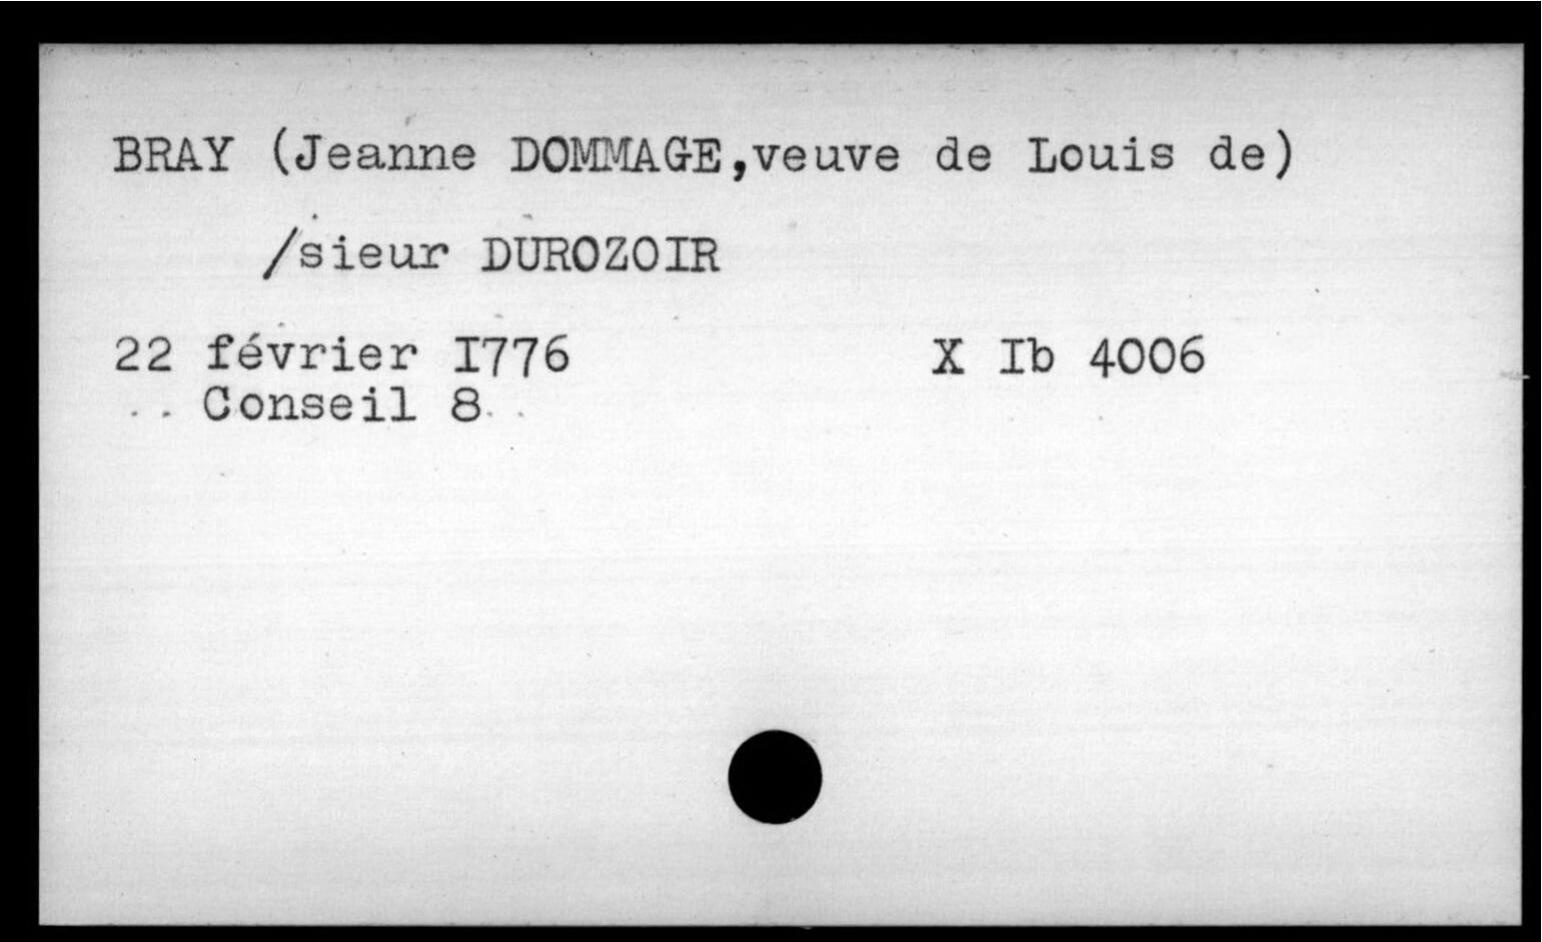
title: BRAY (Jeanne DOMMAGE, veuve de Louis de)
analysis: Contre sieur DUROZOIR
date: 22 février 1776
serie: X1b
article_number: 4006
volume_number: Conseil 8
